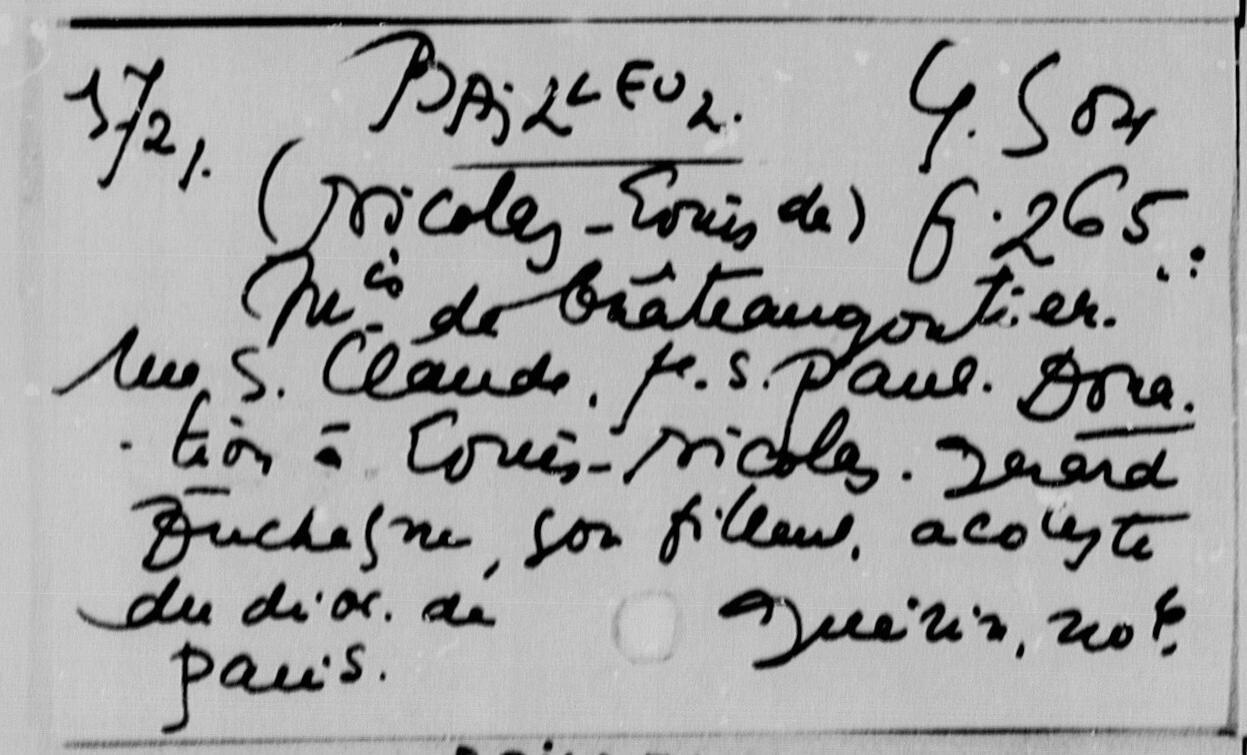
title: BAILLEUL (Nicolas-Louis de)
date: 1721
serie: Y
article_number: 304
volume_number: folio 265
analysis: Marquis de Château-Gontier, rue Saint-Claude, paroisse Saint-Paul Donation à Louis-Nicolas-Gérard Duchesne, son filleul, acolyte du diocèse de Paris Guérin, notaire
